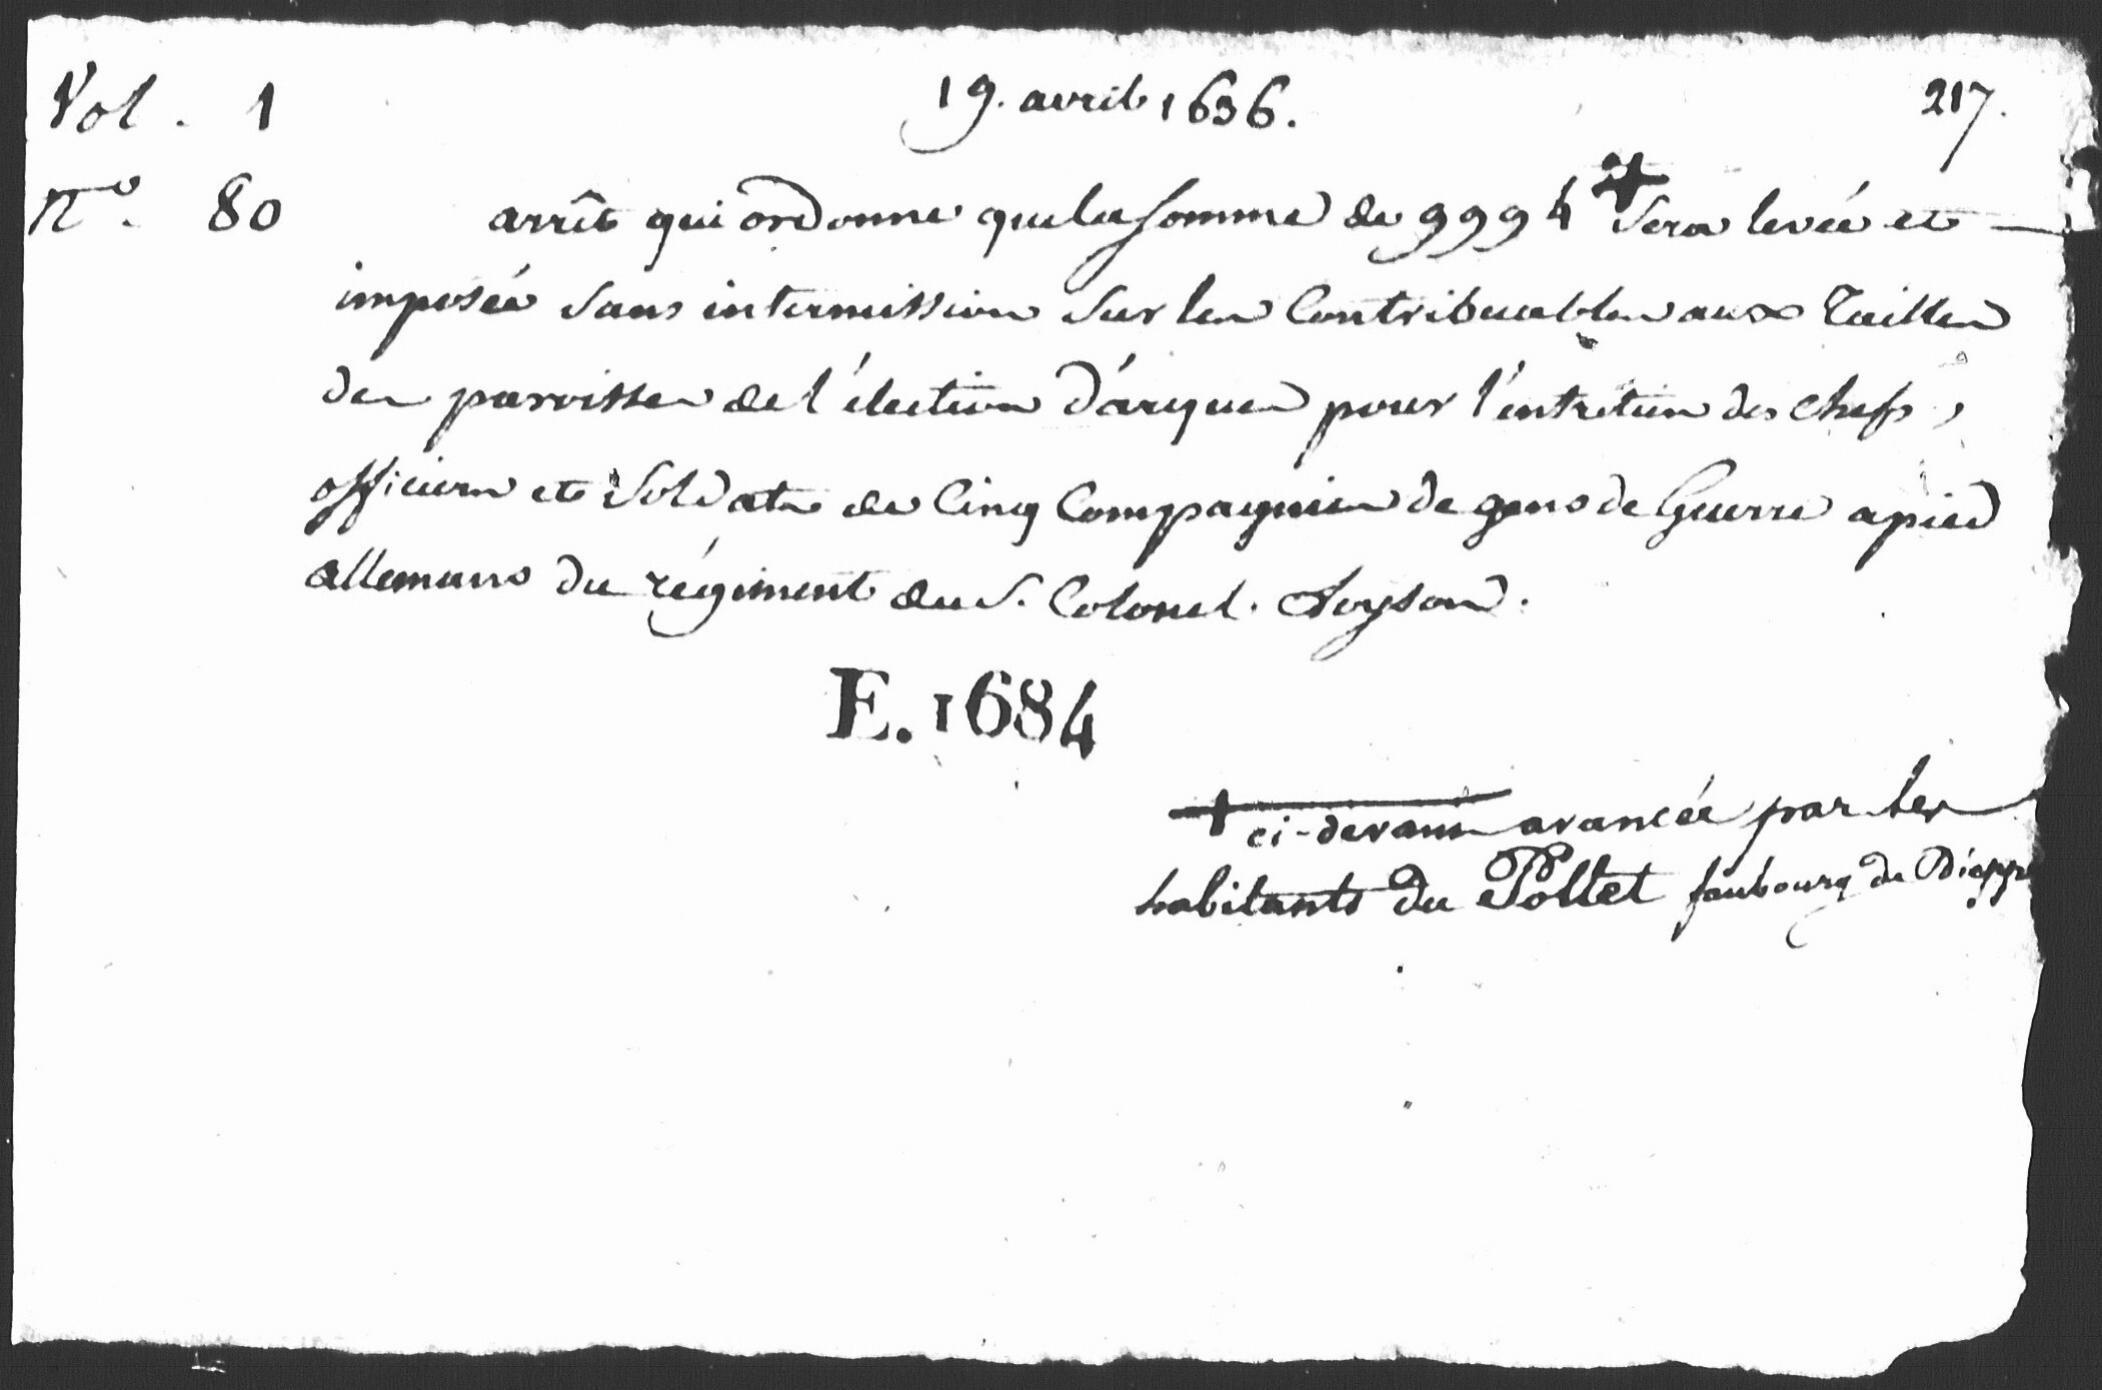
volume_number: n°80
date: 19 avril 1636
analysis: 217
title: arrêt qui ordonne que la somme de 9994 ci-devant avancée par les habitants du Pollet faubourg de Dieppe sera levée et imposée sans intermission sur les contribuables aux tailles des paroisses de l'election d'arques pour l'entretien des chefs, officiers et soldats de cinq compagnies de gens de guerre a pied allemans du régiment du S. Colonel Loyson.
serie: E
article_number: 1684
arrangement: vol. 1
